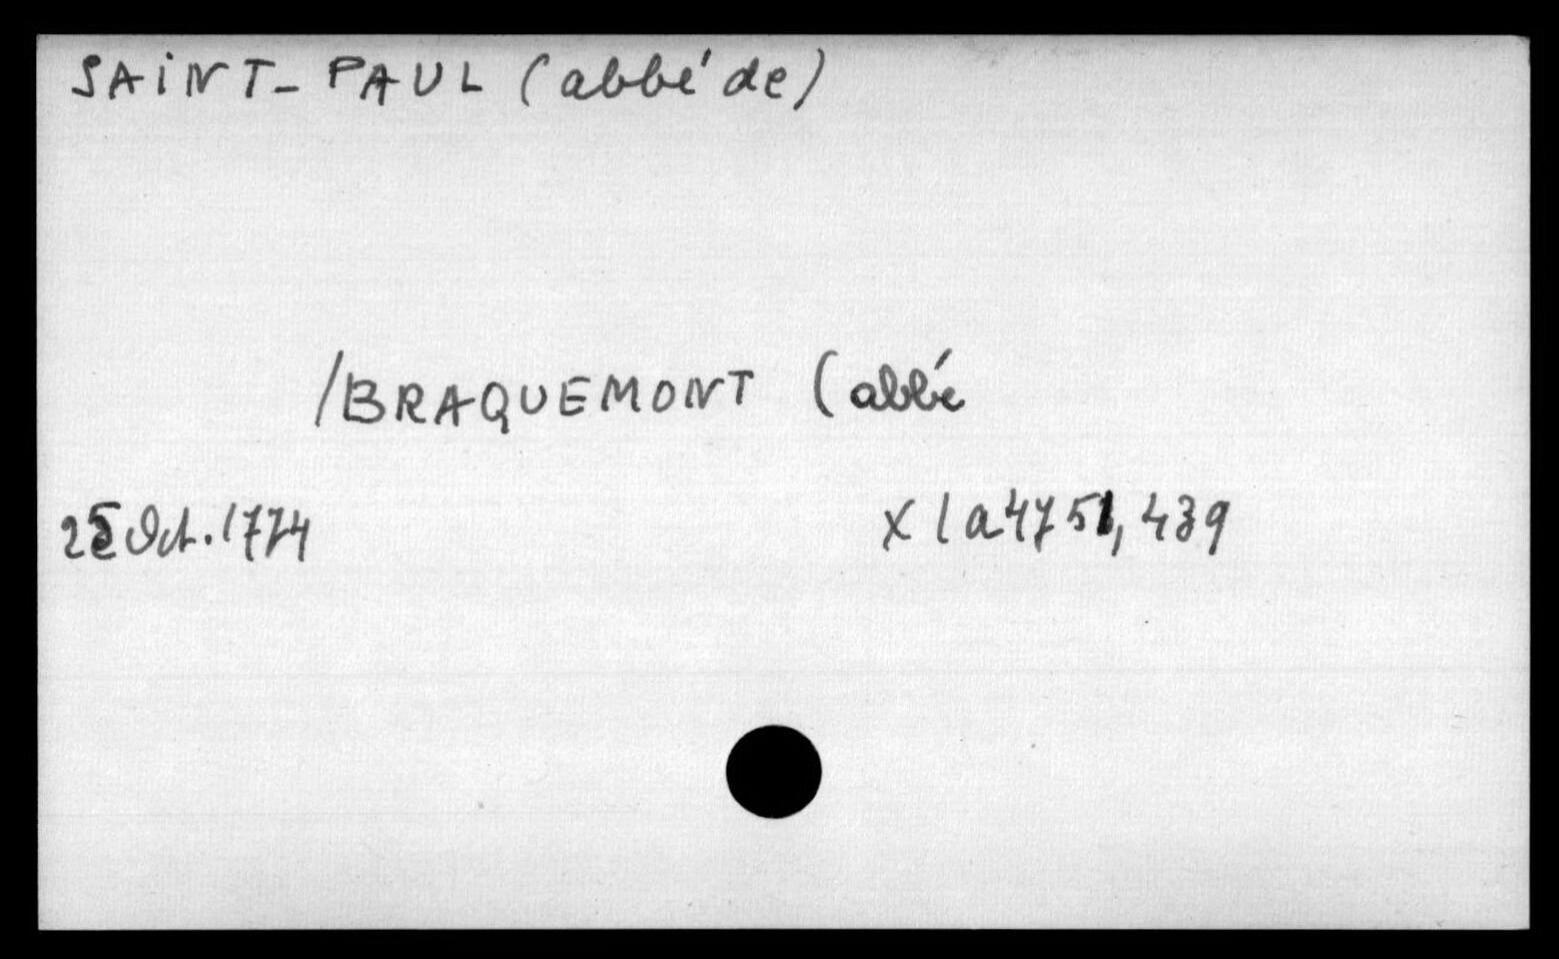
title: SAINT-PAUL (abbé de)
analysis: Contre BRAQUEMONT (abbé
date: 25 octobre 1774
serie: X1a
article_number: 4751
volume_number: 439
